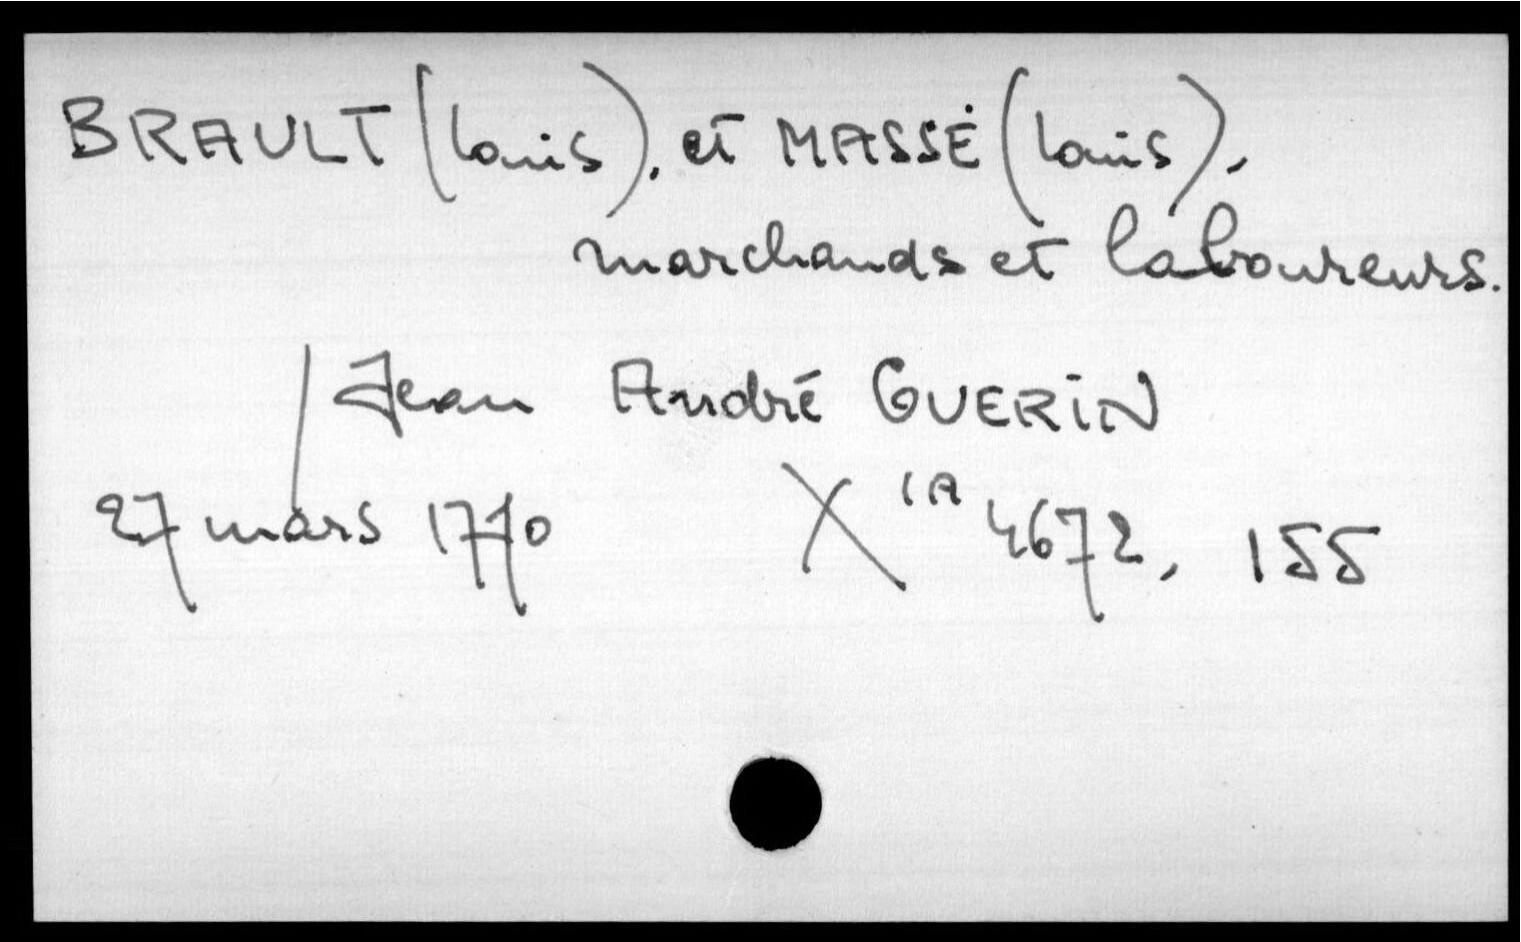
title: BRAULT (Louis), et MASSÉ (Louis), marchands et laboureurs
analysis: Contre Jean André GUERIN
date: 27 mars 1770
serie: X1A
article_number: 4672
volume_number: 155
